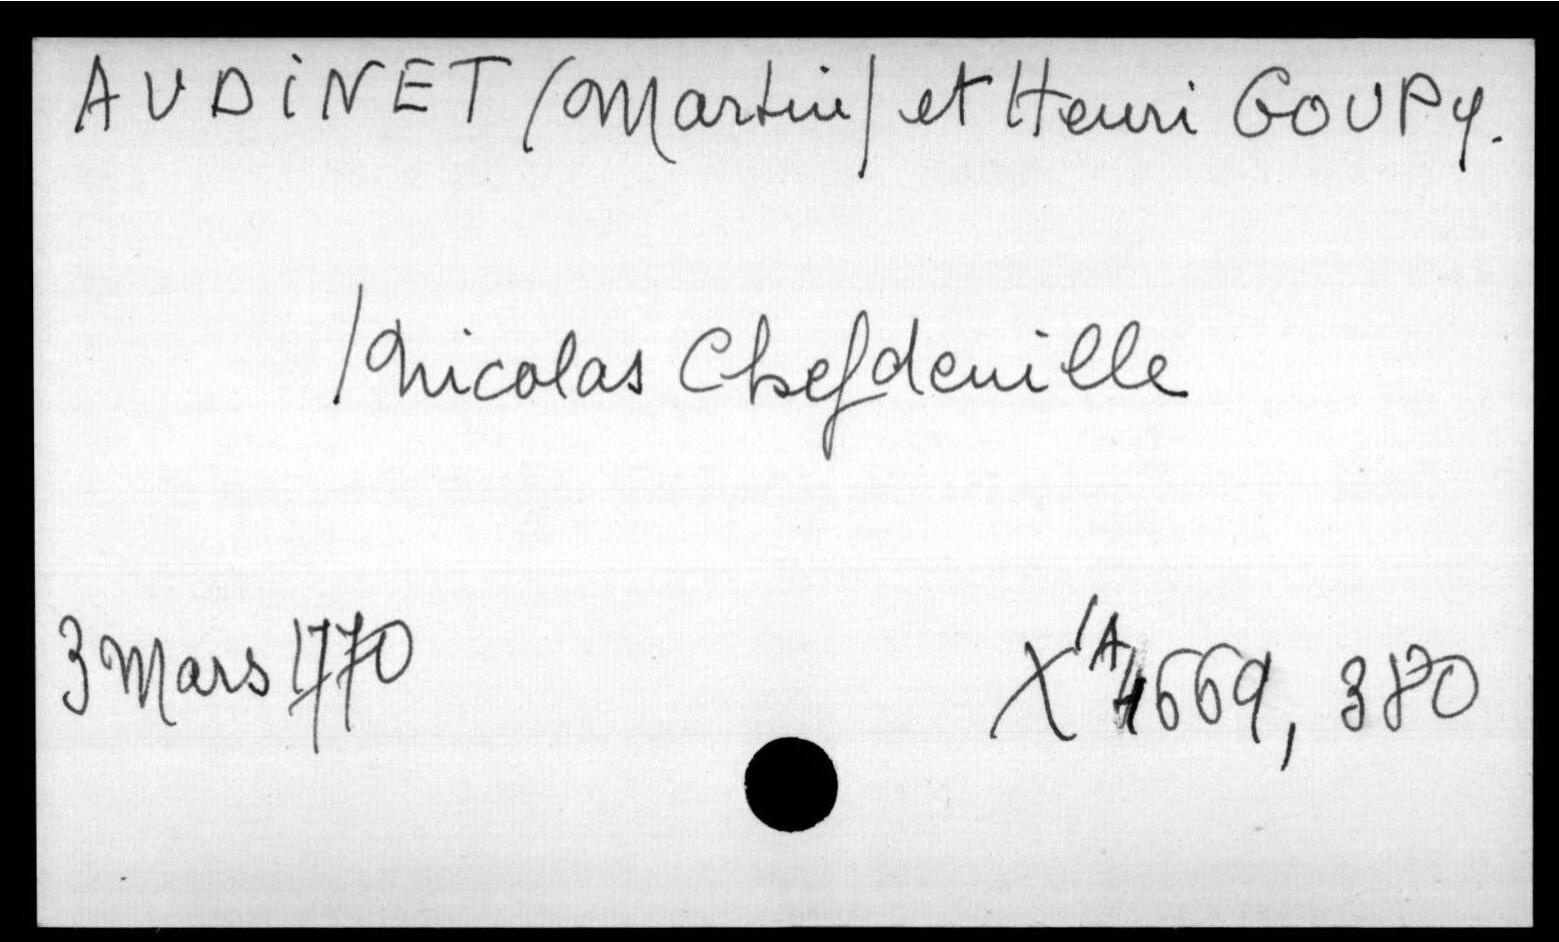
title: AUDINET (Martin) et Henri GOUPY
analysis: Contre Nicolas Chefdeuille
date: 3 mars 1770
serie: X1A
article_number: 4669
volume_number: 380
